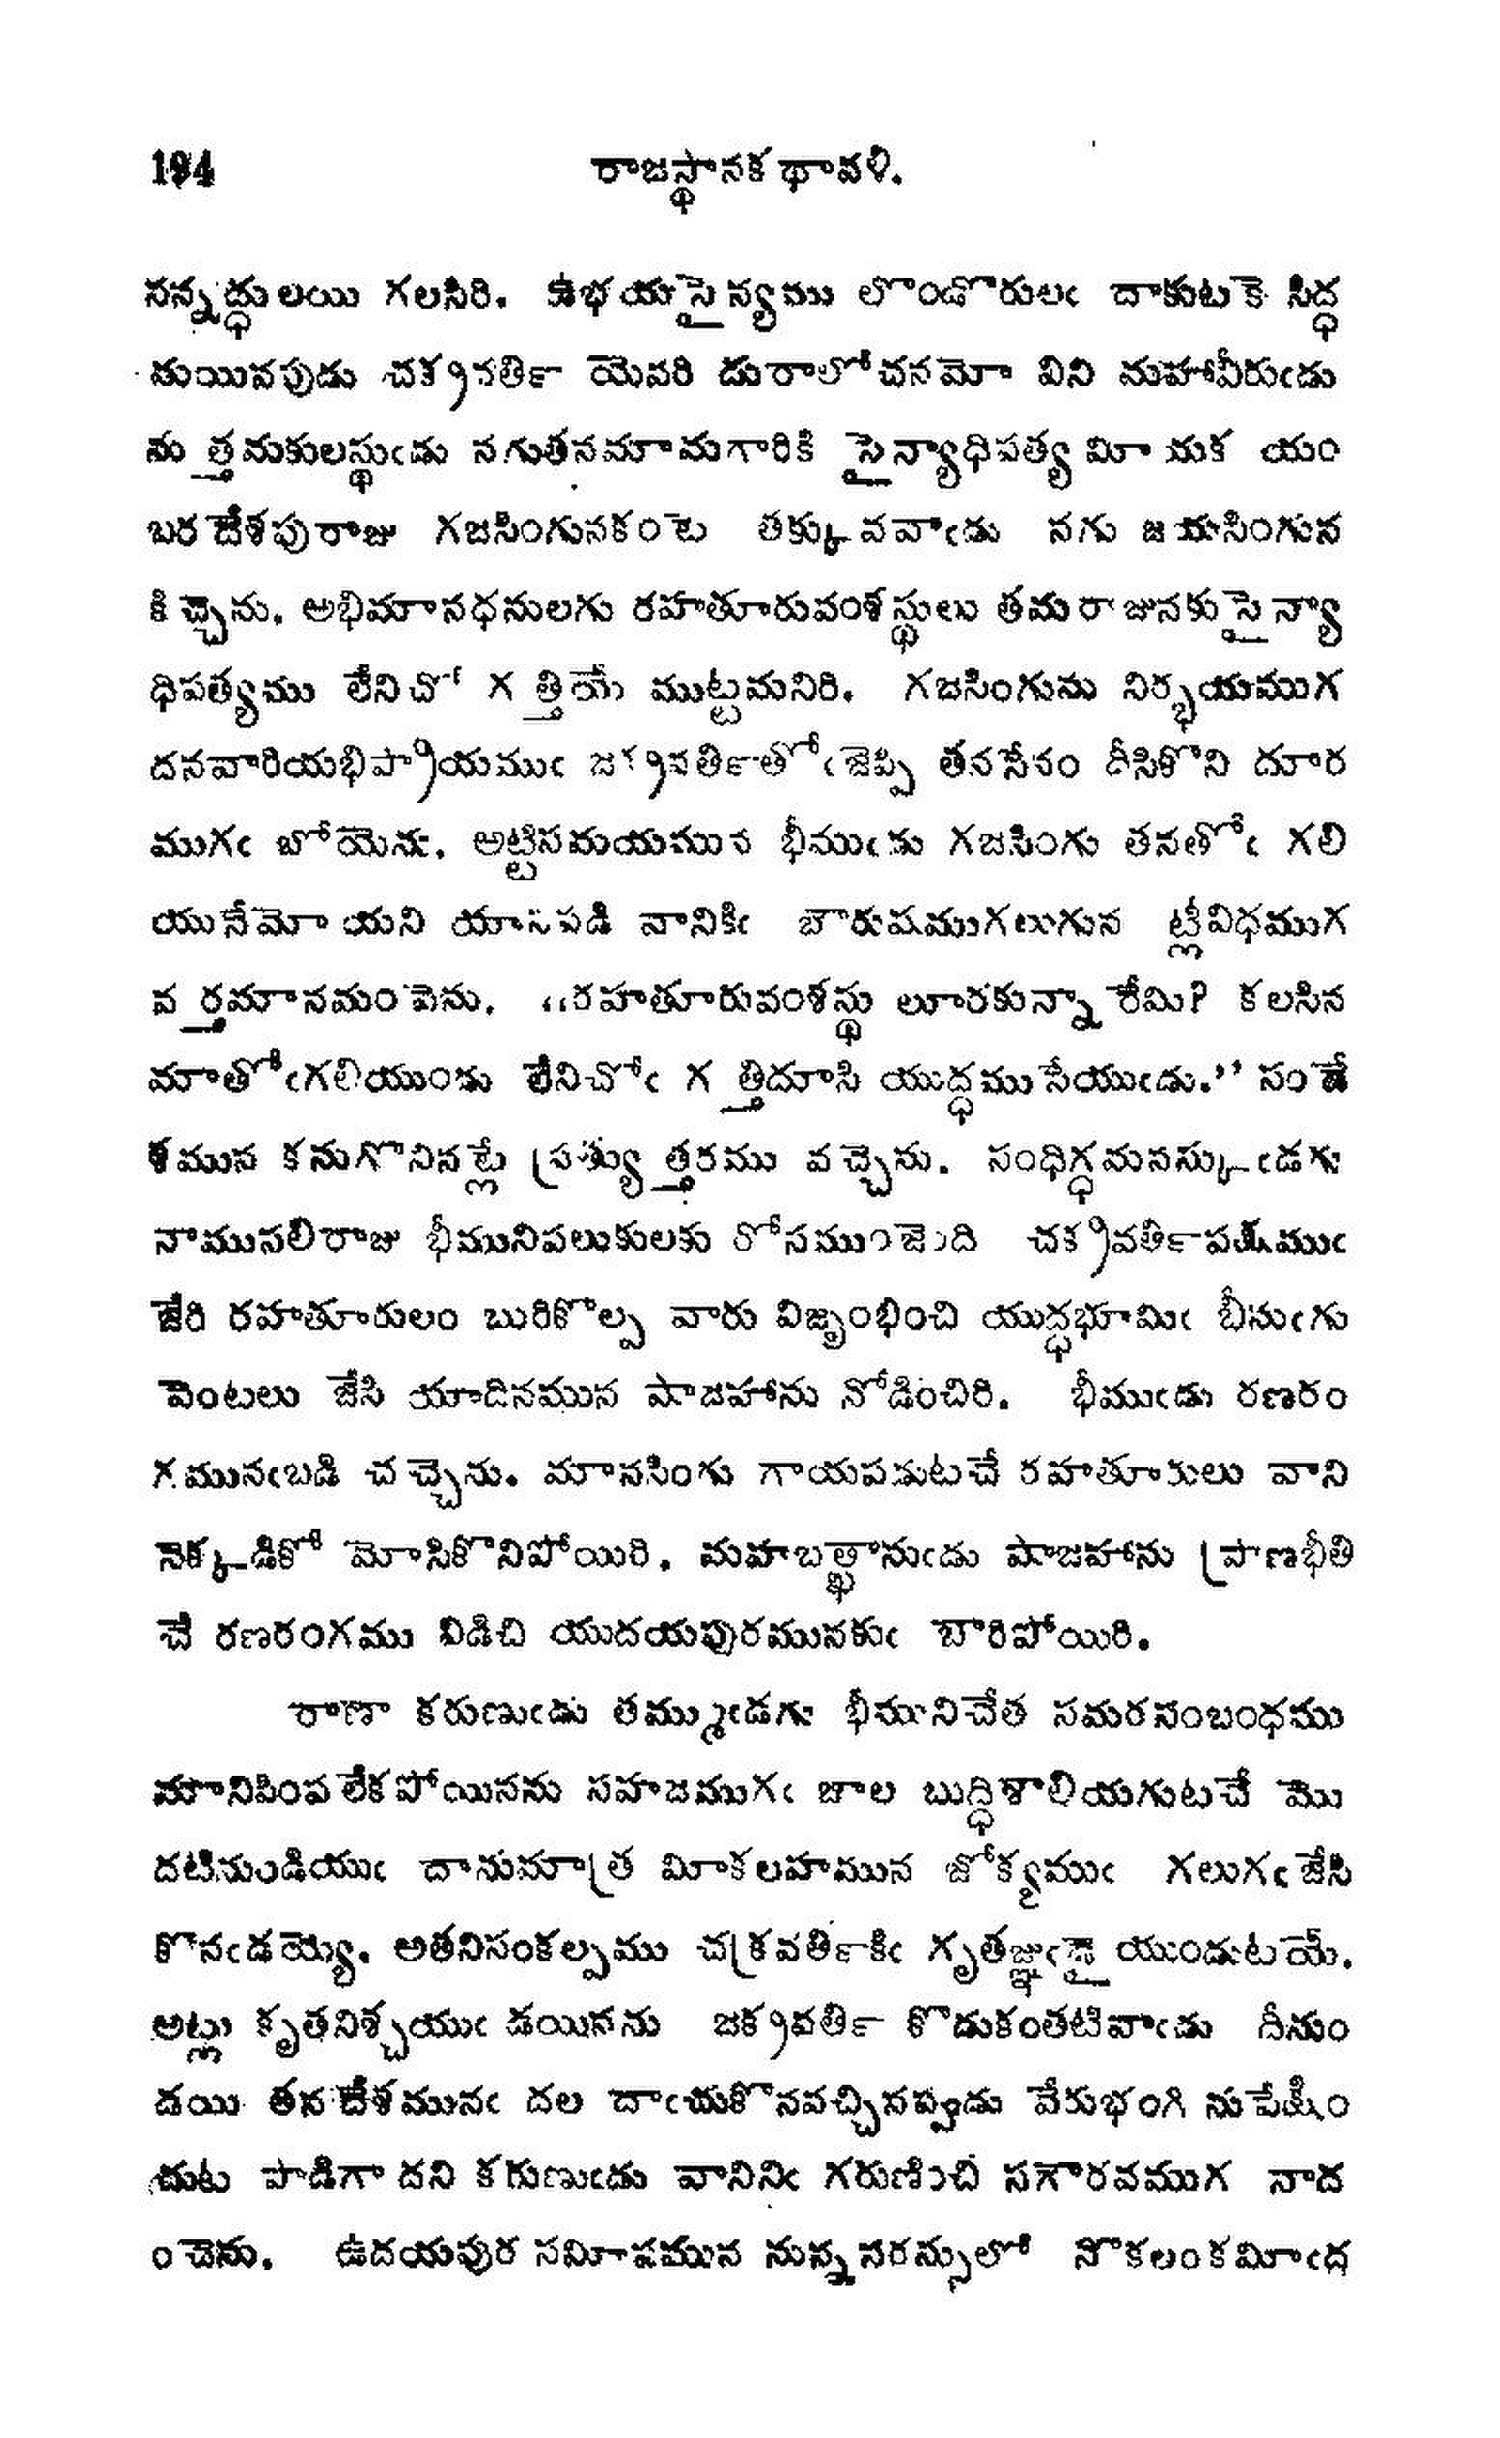సన్నద్ధులయి గలసిరి. ఉభయ సైన్యము లొండొరులఁ దాకుటకె సిద్ధమయినపుడు చక్రవతి౯ యెవరి దురాలోచనమో విని మహావీరుఁడు
నుత్తమకులస్థుఁడు నగుతనమామగారికి సైన్యాధిపత్య మీయక యంబర దేశపురాజు గజసింగునకంటే తక్కువవాఁడు నగు జయసింగున
కిచ్చెను, అభిమానధనులగు రహతూరువంశస్థులు తమ రాజునకు సైన్యాధిపత్యము లేనిచో గత్తియే ముట్టమనిరి. గజసింగును నిర్భయముగ
దనవారియభిప్రాయముఁ జక్రవతి౯తోఁ జెప్పి తన సేనం దీసికొని దూరముగఁ బోయెను. అట్టిసమయమున భీముఁడు గజసింగు తనతోఁ గలి
యునేమో యని యాస పడి వానికిఁ బౌరుషముగలుగున ట్లీవిధముగ వర్తమానమంపెను. "రహతూరువంశస్థు లూరకున్నా రేమి? కలసిన
మాతోఁగలియుండు లేనిచోఁ గత్తిదూసి యుద్ధము సేయుఁడు." సందేశమున కనుగొనినట్లే ప్రత్యుత్తరము వచ్చెను. సంధిగ్ధ మనస్కుఁడగు
నాముసలిరాజు భీమునిపలుకులకు రోసముంజెంది చక్రవతి౯ పక్షముఁ జేరి రహతూరులం బురికొల్ప వారు విజృంభించి యుద్ధభూమిఁ
బీనుఁగు పెంటలు జేసి యాదినమున షాజహాను నోడించిరి. భీముఁడు రణరంగమునఁబడి చచ్చెను. మానసింగు గాయపడుటచే రహతూరులు వాని నెక్కడికో 'మోసికొనిపోయిరి. మహబత్ఖానుఁడు షాజహాను ప్రాణభీతిచే రణరంగము విడిచి యుదయపురమునకుఁ బారిపోయిరి.

రాణా కరుణుఁడు తమ్ముఁడగు భీమునిచేత సమర సంబంధము మానిపింప లేక పోయినను సహజముగఁ జాల బుద్ధిశాలి యగుటచే మొదటి నుండియుఁ దానమాత్ర మీకలహమున జోక్యముఁ గలుగఁ జేసి కొనఁడయ్యె. అతనిసంకల్పము చక్రవతి౯కిఁ గృతజ్ఞుఁడై యుండుటయే.
అట్లు కృతనిశ్చయుఁ డయినను జక్ర వతి౯ కొడుకంతటివాఁడు దీనుండయి తన దేశమునఁ దల దాఁచుకొనవచ్చినప్పుడు వేరుభంగి నుపేక్షిం
చుట పాడిగాదని కరుణుండు వానినిఁ గరుణించి సగౌరవముగ నాదరించెను. ఉదయపుర సమీపమున నున్న సరస్సులో నొకలంక మీఁద